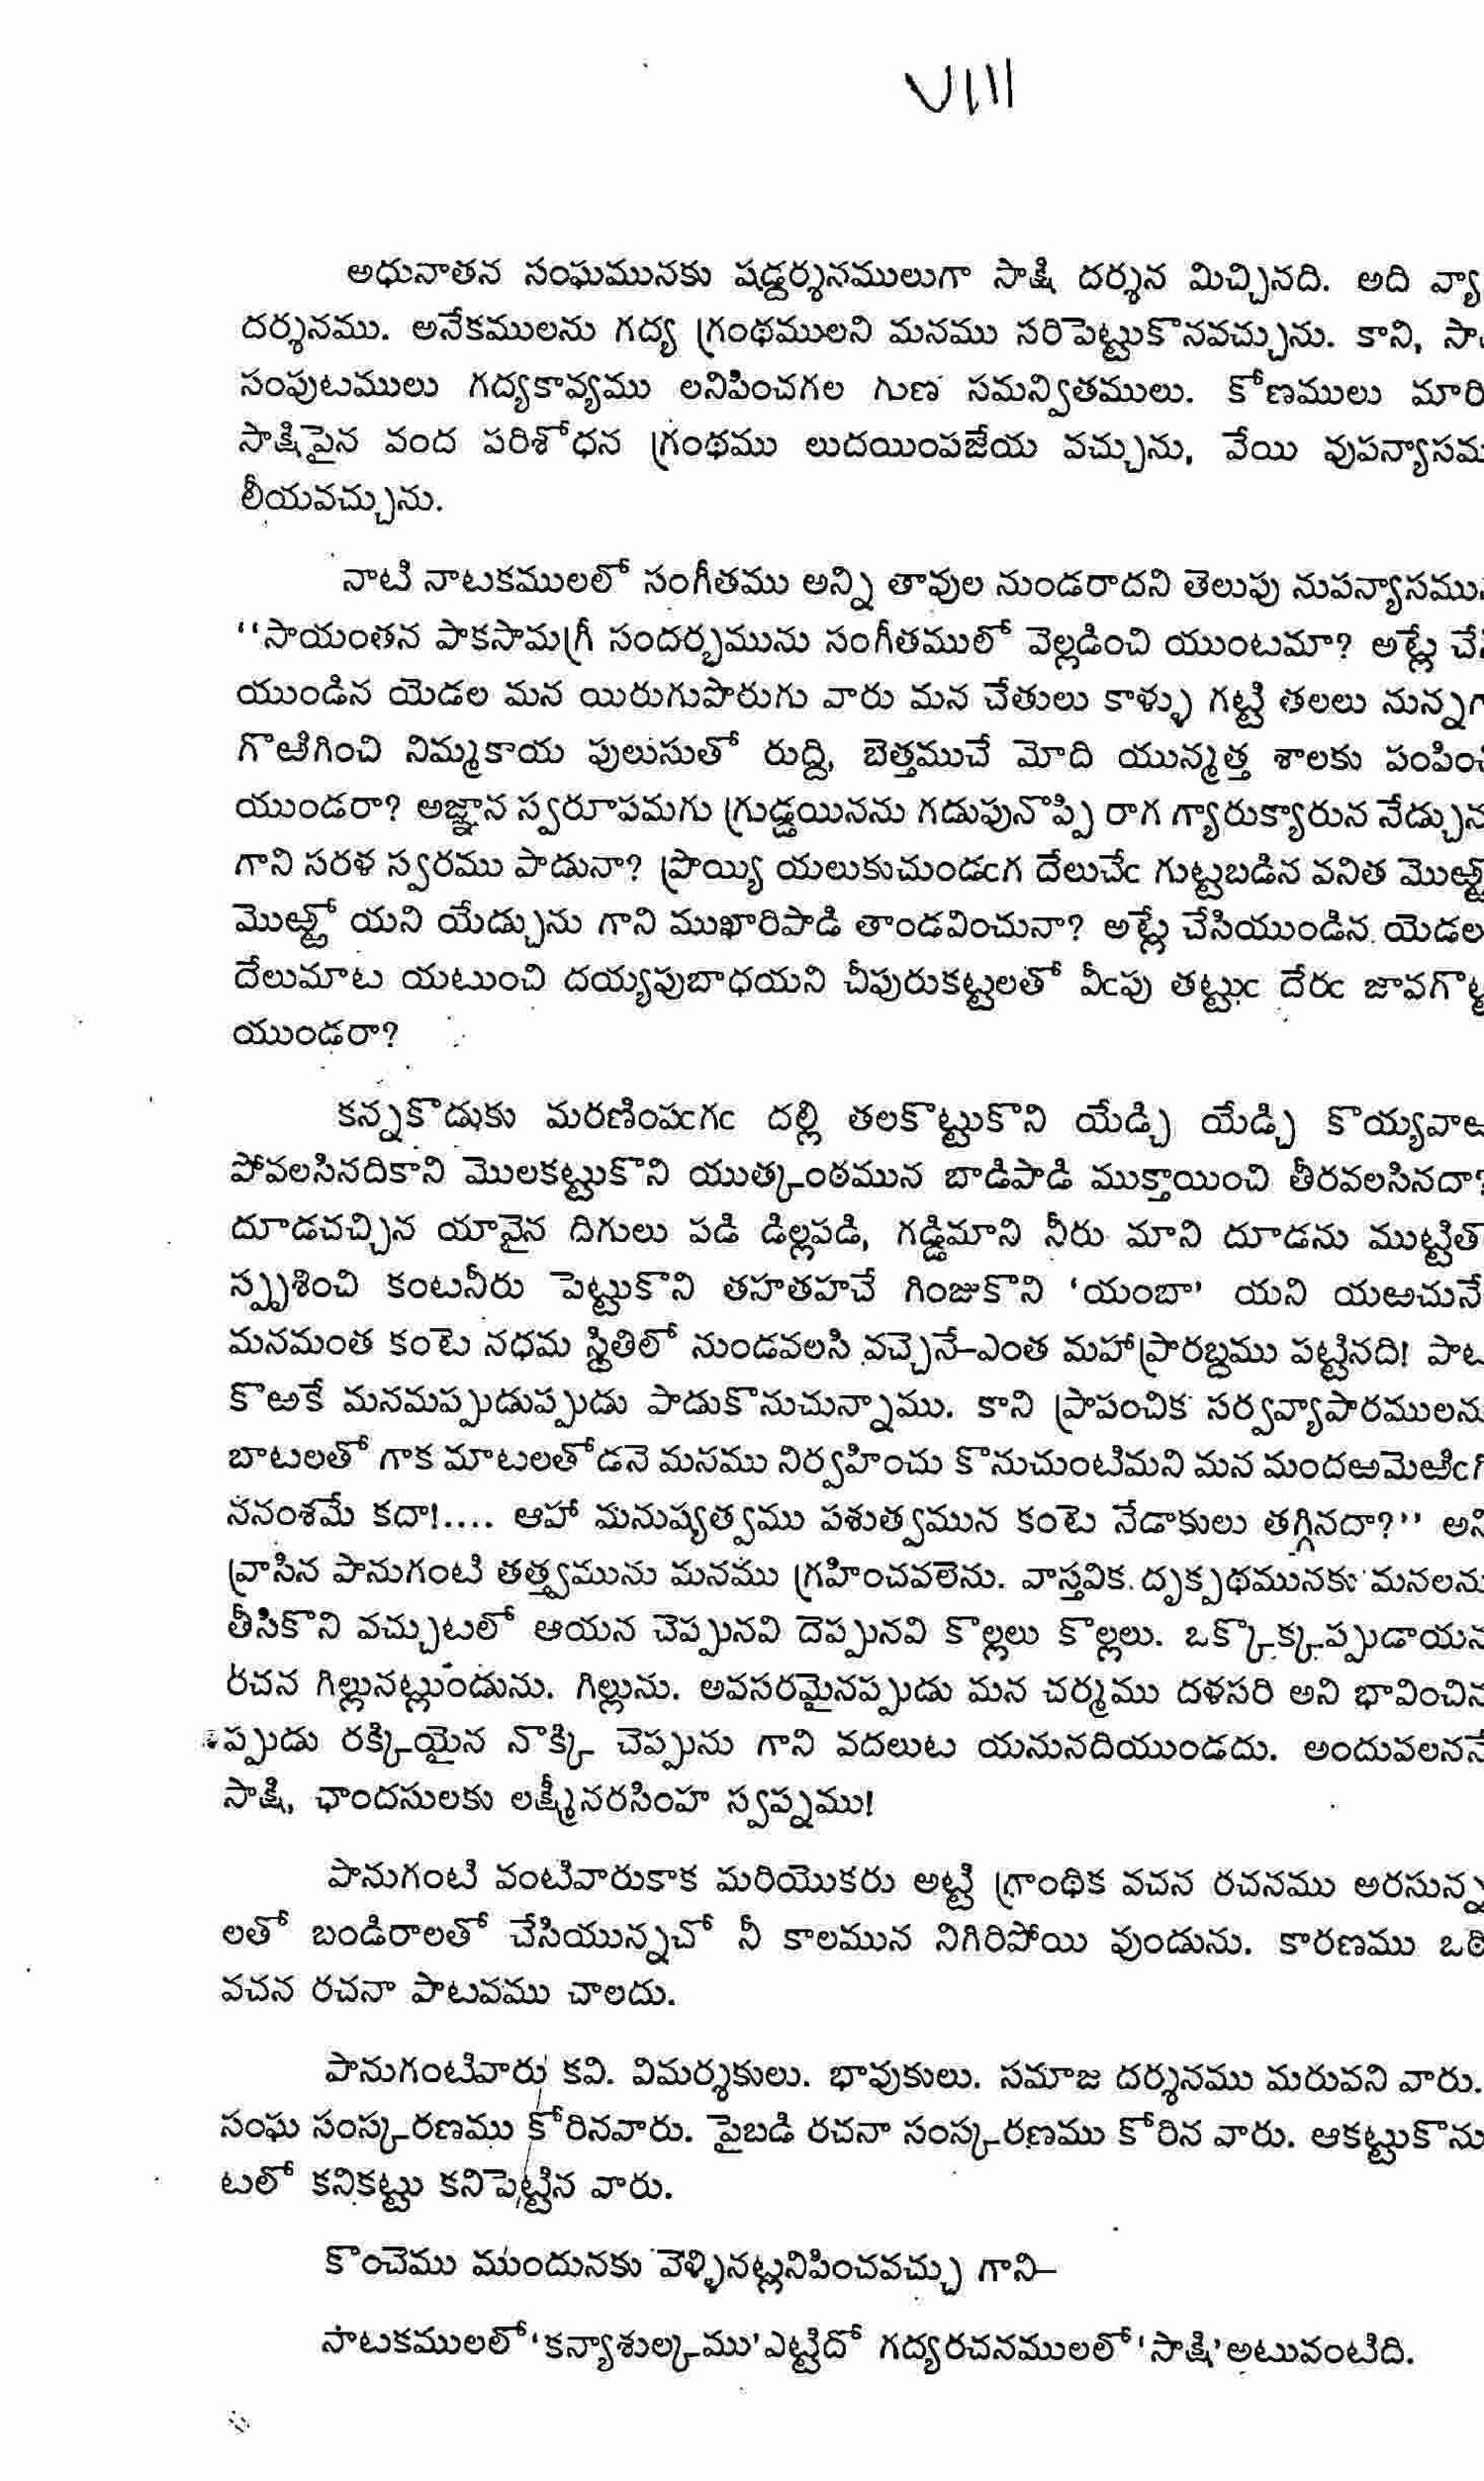అధునాతన సంఘమునకు షడ్దర్శనములుగా సాక్షి దర్శన మిచ్చినది. అది వ్యాస దర్శనము. అనేకములను గద్య గ్రంథములని మనము సరిపెట్టుకొనవచ్చును. కాని, సాక్షి సంపుటములు గద్యకావ్యము లనిపించగల గుణ సమన్వితములు. కోణములు మారి సాక్షిపైన వంద పరిశోధన గ్రంథము లుదయింపజేయ వచ్చును. వేయి వుపన్యాసము లీయవచ్చును.

నాటి నాటకములలో సంగీతము అన్ని తావుల నుండరాదని తెలుపు నుపన్యాసము, “సాయంతన పాకసామగ్రీ సందర్భమును సంగీతములో వెల్లడించి యుంటమా? అట్లే చేసి యుండిన యెడల మన యిరుగుపొరుగు వారు మన చేతులు కాళ్ళు గట్టి తలలు నున్నగా గొఱిగించి నిమ్మకాయ పులుసుతో రుద్ది, బెత్తముచే మోది యున్మత్త శాలకు పంపించి యుండరా? అజ్ఞాన స్వరూపమగు గ్రుడ్డయినను గడుపునొప్పి రాగ గ్యారుక్యారున నేడ్చును గాని సరళ స్వరము పాడునా? ప్రొయ్యి యలుకుచుండఁగ దేలుచేఁ గుట్టబడిన వనిత మొఱ్ఱో మొఱ్ఱో యని యేడ్చును గాని ముఖారిపాడి తాండవించునా? అట్లే చేసియుండిన యెడల దేలుమాట యటుంచి దయ్యపుబాధయని చీపురుకట్టలతో వీఁపు తట్టుఁ దేరఁ జావగొట్టి యుండరా?

కన్నకొడుకు మరణింపఁగఁ దల్లి తలకొట్టుకొని యేడ్చి యేడ్చి కొయ్యవాఱ పోవలసినదికాని మొలకట్టుకొని యుత్కంఠమున బాడిపాడి ముక్తాయించి తీరవలసినదా? దూడచచ్చిన యావైన దిగులు పడి డిల్లపడి, గడ్డిమాని నీరు మాని దూడను ముట్టితో స్పృశించి కంటనీరు పెట్టుకొని తహతహచే గింజుకొని 'యంబా' యని యఱచునే మనమంత కంటె నధమ స్థితిలో నుండవలసి వచ్చెనే-ఎంత మహాప్రారబ్దము పట్టినది! పాట కొఱకే మనమప్పుడుప్పుడు పాడుకొనుచున్నాము. కాని ప్రాపంచిక సర్వవ్యాపారములను బాటలతో గాక మాటలతోడనె మనము నిర్వహించు కొనుచుంటిమని మన మందఱమెఱింగిననంశమే కదా!.... ఆహా మనుష్యత్వము పశుత్వమున కంటె నేడాకులు తగ్గినదా? ” అని వ్రాసిన పానుగంటి తత్త్వమును మనము గ్రహించవలెను. వాస్తవిక దృక్పథమునకు మనలను
తీసికొని వచ్చుటలో ఆయన చెప్పునవి దెప్పునవి కొల్లలు కొల్లలు. ఒక్కొక్కప్పుడాయన రచన గిల్లునట్లుండును. గిల్లును. అవసరమైనప్పుడు మన చర్మము దళసరి అని భావించినప్పుడు రక్కియైన నొక్కి చెప్పును గాని వదలుట యనునదియుండదు. అందువలననే సాక్షి, ఛాందసులకు లక్ష్మీనరసింహ స్వప్నము!

పానుగంటి వంటివారుకాక మరియొకరు అట్టి గ్రాంథిక వచన రచనము అరసున్నలతో బండిరాలతో చేసియున్నచో నీ కాలమున నిగిరిపోయి వుండును. కారణము ఒఠి వచన రచనా పాటవము చాలదు.

పానుగంటివారు కవి. విమర్శకులు. భావుకులు. సమాజ దర్శనము మరువని వారు. సంఘ సంస్కరణము కోరినవారు. పైబడి రచనా సంస్కరణము కోరిన వారు. ఆకట్టుకొనుటలో కనికట్టు కనిపెట్టిన వారు.

కొంచెము ముందునకు వెళ్ళినట్లనిపించవచ్చు గాని-

నాటకములలో ' కన్యాశుల్కము' ఎట్టిదో గద్యరచనములలో 'సాక్షి' అటువంటిది.